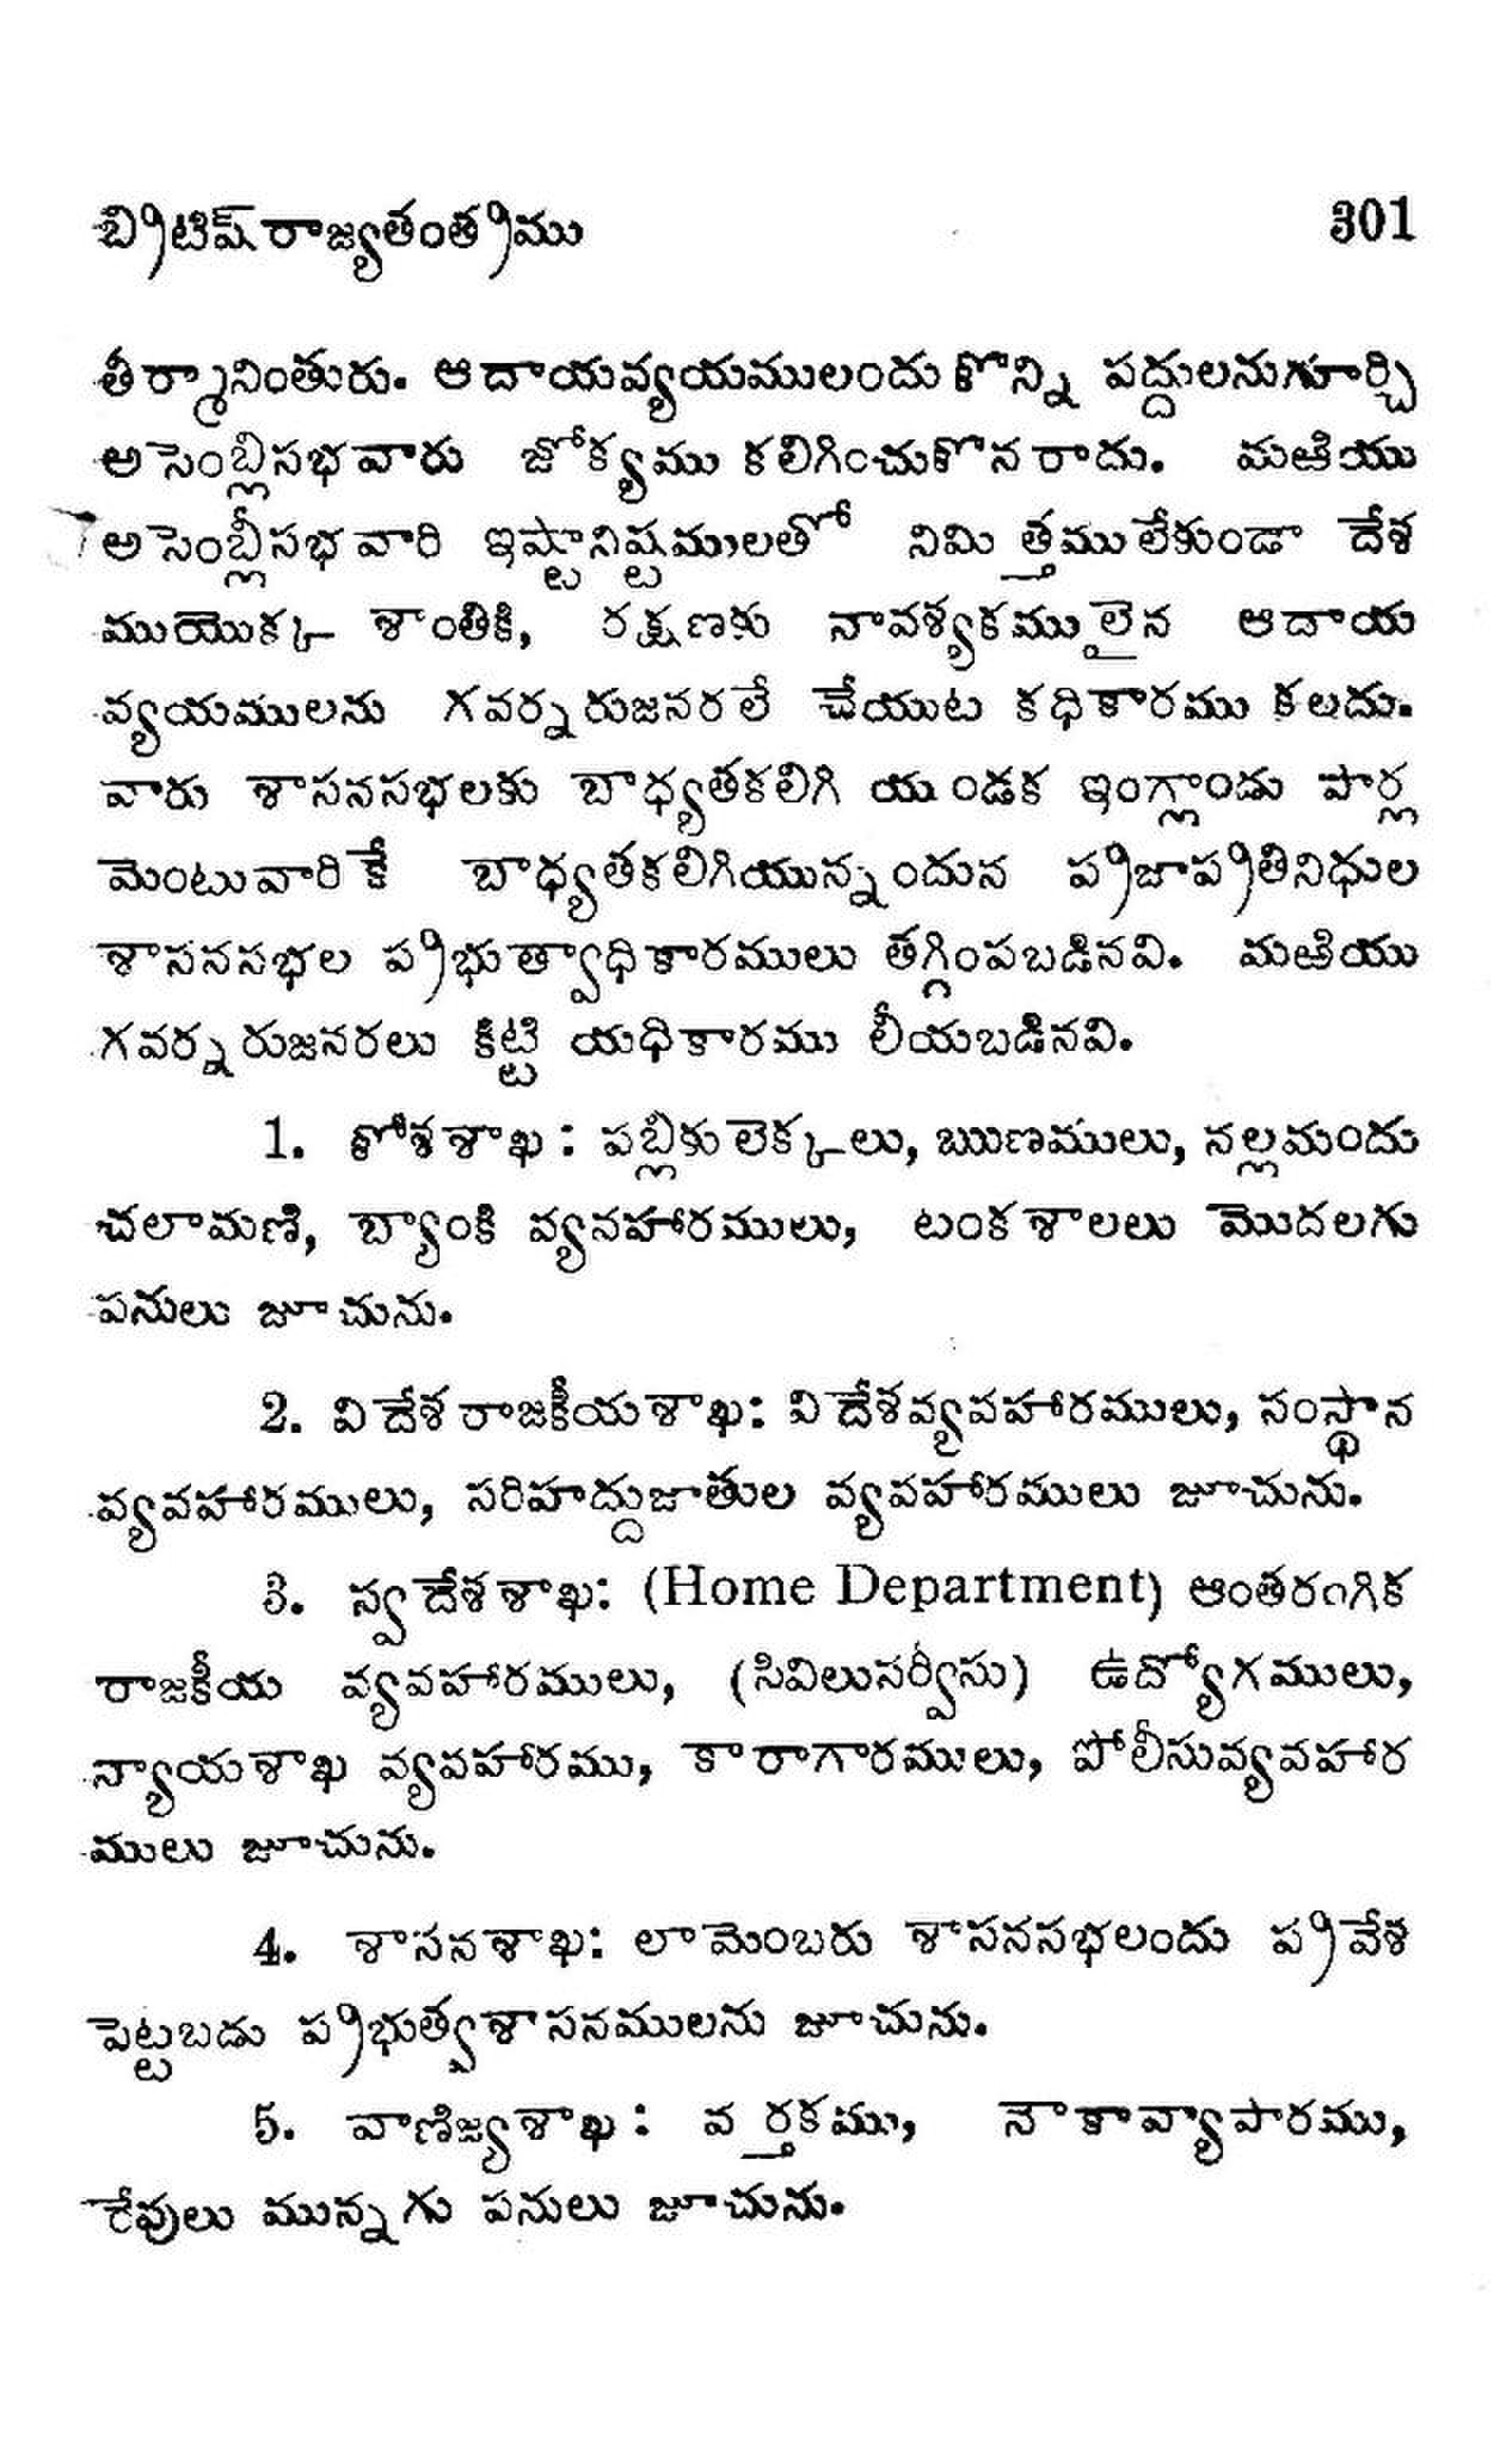తీర్మానింతురు. ఆదాయవ్యయములందు కొన్ని పద్దులనుగూర్చి అసెంబ్లీసభవారు జోక్యము కలిగించుకొనరాదు. మఱియు అసెంబ్లీసభవారి ఇష్టానిష్టములతో నిమిత్తములేకుండా దేశముయొక్క శాంతికి, రక్షణకు నావశ్యకములైన ఆదాయ వ్యయములను గవర్నరుజనరలే చేయుట కధికారము కలదు. వారు శాసనసభలకు బాధ్యతకలిగి యుండక ఇంగ్లాండు పార్లమెంటువారికే బాధ్యతకలిగియున్నందున ప్రజాప్రతినిధుల శాసనసభల ప్రభుత్వాధికారములు తగ్గింపబడినవి. మఱియు గవర్నరుజనరలు కట్టి యధికారము లీయబడినవి.

1. కోశశాఖ : పబ్లికులెక్కలు, ఋణములు, నల్లమందు చలామణి, బ్యాంకి వ్యనహారములు, టంకశాలలు మొదలగు పనులు జూచును.

2. విదేశరాజకీయశాఖ: విదేశవ్యవహారములు, సంస్థాన వ్యవహారములు, సరిహద్దుజాతుల వ్యవహారములు జూచును.

3. స్వదేశశాఖ: (Home Department) ఆంతరంగిక రాజకీయ వ్యవహారములు, (సివిలుసర్వీసు) ఉద్యోగములు, న్యాయశాఖ వ్యవహారము, కారాగారములు, పోలీసువ్యవహారములు జూచును.

4. శాసనశాఖ: లామెంబరు శాసనసభలందు ప్రవేశపెట్టబడు ప్రభుత్వశాసనములను జూచును.

5. వాణిజ్యశాఖ: వర్తకము, నౌకావ్యాపారము, రేవులు మున్నగు పనులు జూచును.